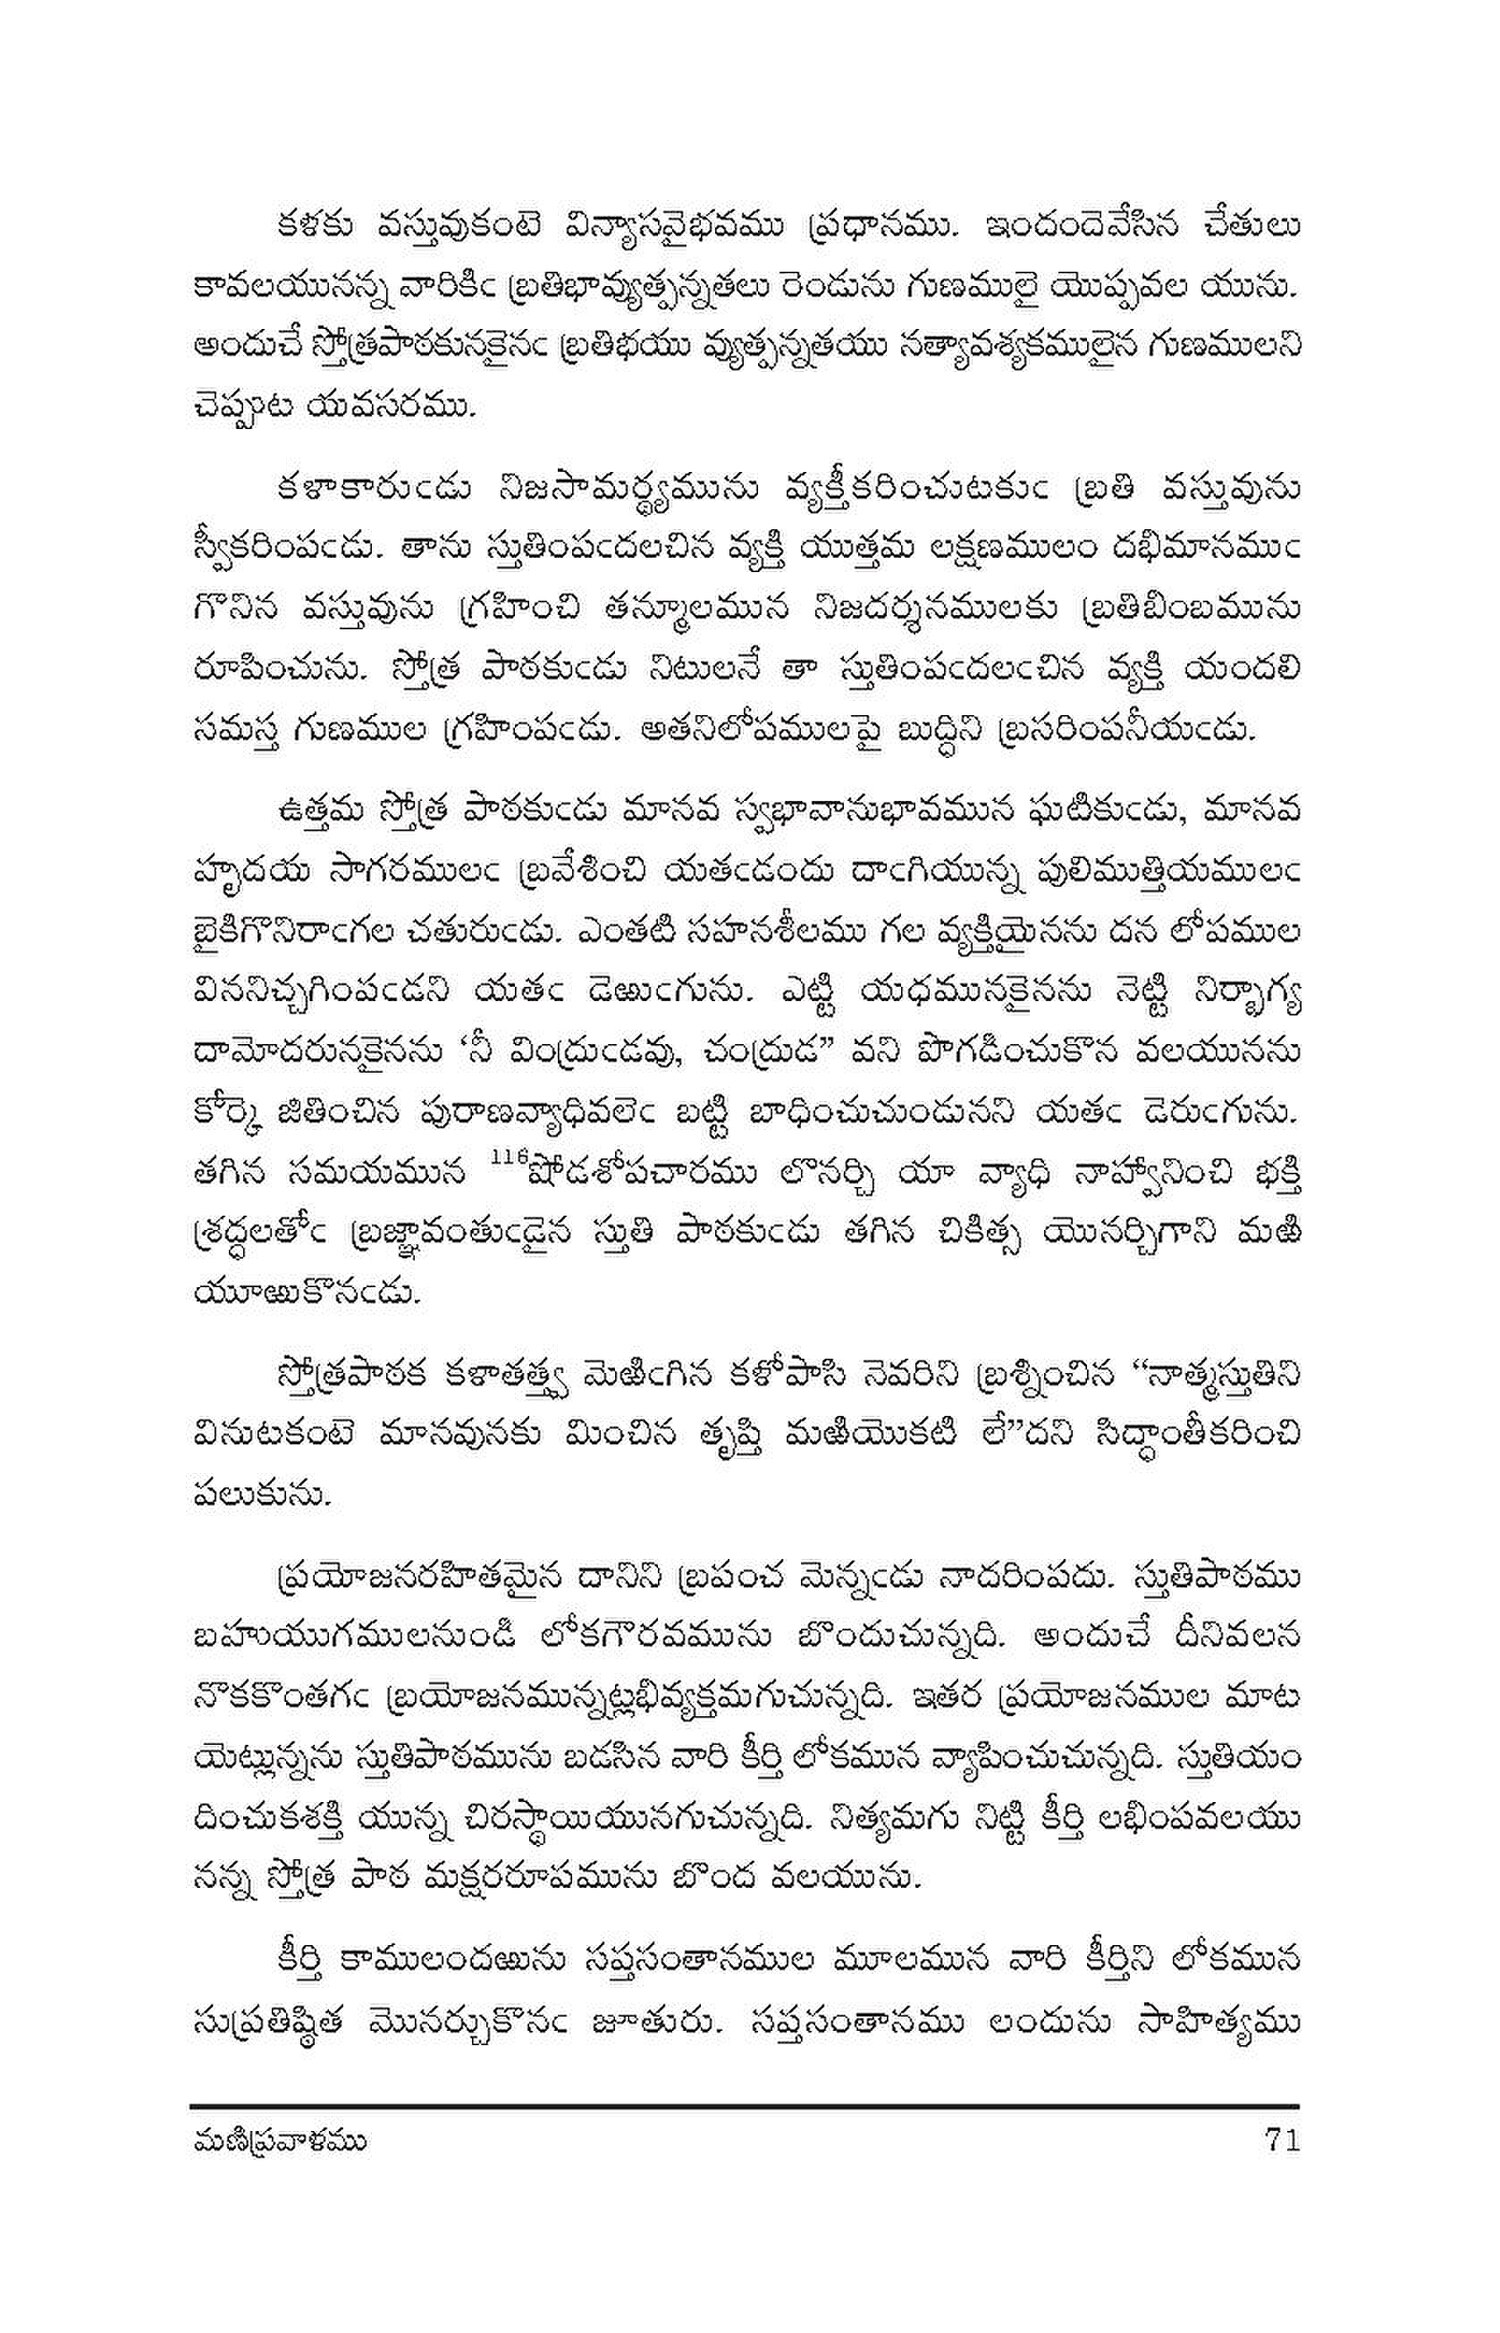కళకు వస్తువుకంటే విన్యాసవైభవము ప్రధానము. ఇందందెవేసిన చేతులు
కావలయునన్న వారికిఁ బ్రతిభావ్యుత్పన్నతలు రెండును గుణములై యొప్పవల యును.
అందుచే స్తోత్రపాఠకునకైనఁ బ్రతిభయు వ్యుత్పన్నతయు నత్యావశ్యకములైన గుణములని
చెప్పుట యవసరము.

కళాకారుఁడు నిజసామర్థ్యమును వ్యక్తీకరించుటకుఁ బ్రతి వస్తువును
స్వీకరింపఁడు. తాను స్తుతింపఁదలచిన వ్యక్తి యుత్తమ లక్షణములం దభిమానముఁ
గొనిన వస్తువును గ్రహించి తన్మూలమున నిజదర్శనములకు బ్రతిబింబమును
రూపించును. స్తోత్ర పాఠకుఁడు నిటులనే తా స్తుతింపఁదలఁచిన వ్యక్తి యందలి
సమస్త గుణముల గ్రహింపఁడు. అతనిలోపములపై బుద్ధిని బ్రసరింపనీయఁడు.

ఉత్తమ స్తోత్ర పాఠకుఁడు మానవ స్వభావానుభావమున ఘటికుఁడు, మానవ
హృదయ సాగరములఁ బ్రవేశించి యతఁడందు దాఁగియున్న పులిముత్తియములఁ
బైకిగొనిరాఁగల చతురుఁడు. ఎంతటి సహనశీలము గల వ్యక్తియైనను దన లోపముల
విననిచ్చగింపఁడని యతఁ డెఱుఁగును. ఎట్టి యధమునకైనను నెట్టి నిర్భాగ్య
దామోదరునకైనను 'నీ వింద్రుఁడవు, చంద్రుడ" వని పొగడించుకొన వలయునను
కోర్కె జితించిన పురాణవ్యాధివలెఁ బట్టి బాధించుచుండునని యతఁ డెరుఁగును.
తగిన సమయమున షోడశోపచారము లొనర్చి యా వ్యాధి నాహ్వానించి భక్తి
శ్రద్ధలతోఁ బ్రజ్ఞావంతుఁడైన స్తుతి పాఠకుఁడు తగిన చికిత్స యొనర్చిగాని మఱి
యూఱుకొనఁడు.

స్తోత్రపాఠక కళాతత్త్వ మెఱిఁగిన కళోపాసి నెవరిని బ్రశ్నించిన “నాత్మస్తుతిని
వినుటకంటె మానవునకు మించిన తృప్తి మఱియొకటి లేదని సిద్ధాంతీకరించి
పలుకును.

ప్రయోజనరహితమైన దానిని బ్రపంచ మెన్నఁడు నాదరింపదు. స్తుతిపాఠము
బహుయుగములనుండి లోకగౌరవమును బొందుచున్నది. అందుచే దీనివలన
నొకకొంతగఁ బ్రయోజనమున్నట్లభివ్యక్తమగుచున్నది. ఇతర ప్రయోజనముల మాట
యెట్లున్నను స్తుతిపాఠమును బడసిన వారి కీర్తి లోకమున వ్యాపించుచున్నది. స్తుతియం
దించుకశక్తి యున్న చిరస్థాయియునగుచున్నది. నిత్యమగు నిట్టి కీర్తి లభింపవలయు
నన్న స్తోత్ర పాఠ మక్షరరూపమును బొంద వలయును.

కీర్తి కాములందఱును సప్తసంతానముల మూలమున వారి కీర్తిని లోకమున
సుప్రతిష్ఠిత మొనర్చుకొనఁ జూతురు. సప్తసంతానము లందును సాహిత్యము